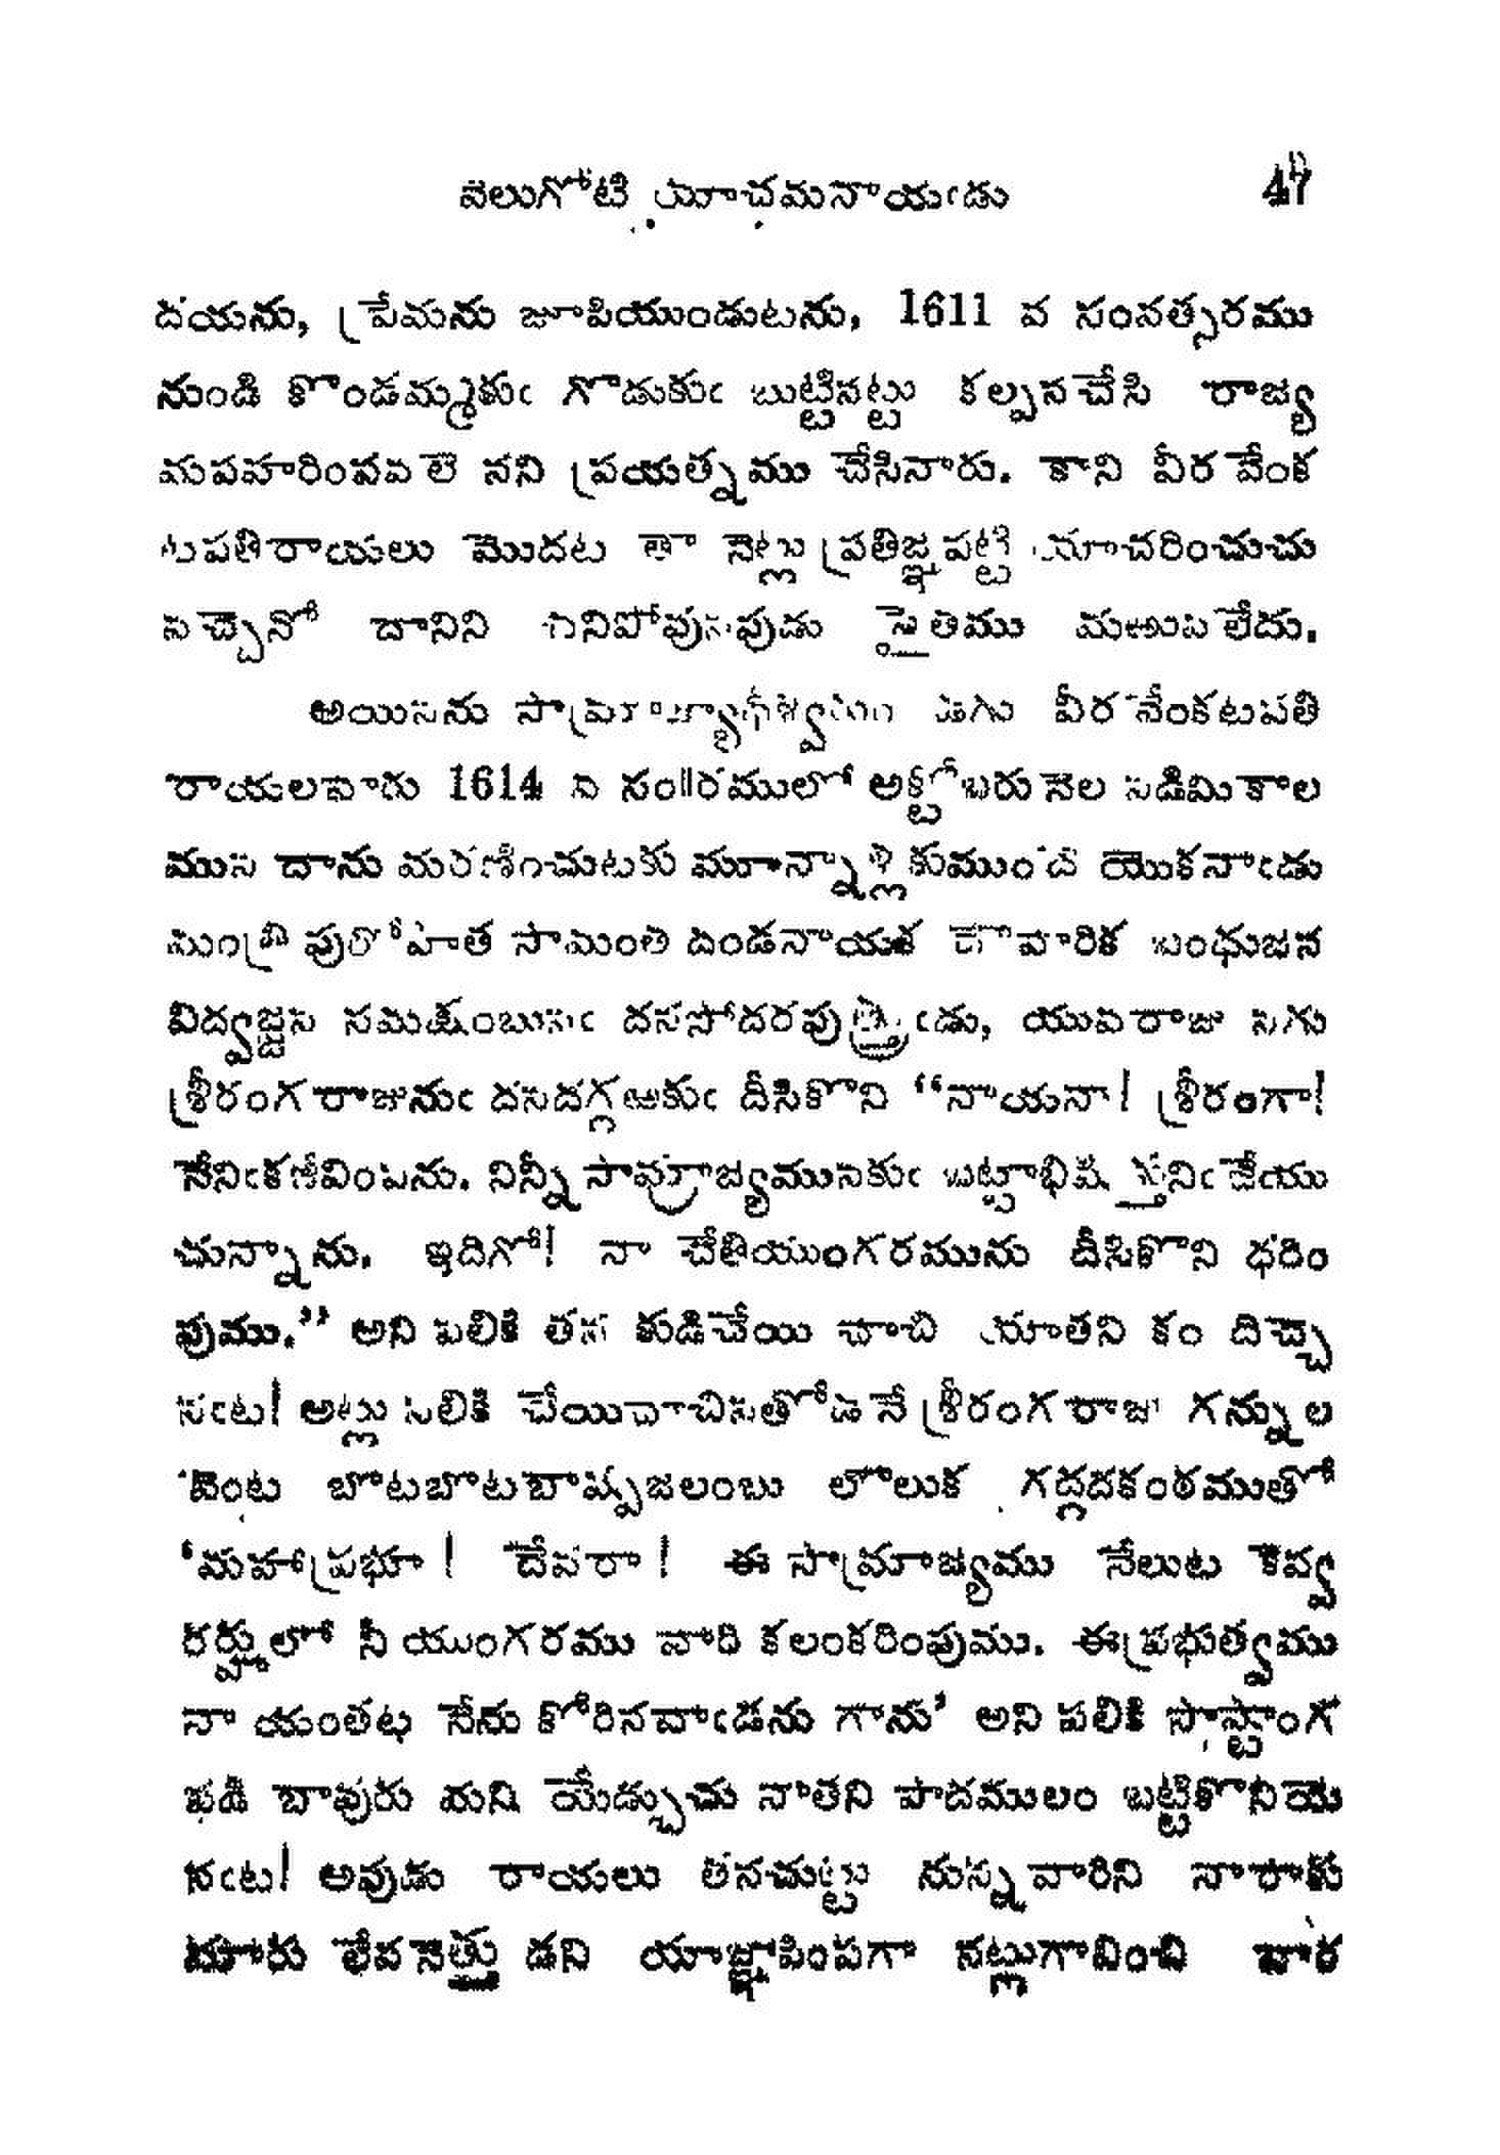దయను, ప్రేమను జూపియుండుటను, 1611 వ సంవత్సరము నుండి కొండమ్మకుఁ గొడుకుఁ బుట్టినట్టు కల్పనచేసి రాజ్య మపహరింపవలె నని ప్రయత్నము చేసినారు. కాని వీరవేంకటపతిరాయల మొదట తా నెట్లు ప్రతిజ్ఞపట్టి యాచరించుచు వచ్చెనో దానిని చనిపోవునపుడు సైతము మఱువలేదు.

అయినను సామ్రాజ్యాధీశ్వరుం డగు వీరవేంకటపతిరాయలవారు 1614 వ సంవత్సరములో అక్టోబరునెల నడిమికాలమున దాను మరణించుటకు మూన్నాళ్లకుముందే యొకనాఁడు మంత్రి పురోహిత సామంత దండనాయక దౌపారిక బంధుజన విద్వజ్జన సమక్షంబునఁ దనసోదరపుత్రుఁడు, యువరాజు నగు శ్రీరంగరాజునుఁ దనదగ్గఱకుఁ దీసికొని "నాయనా! శ్రీరంగా! నేనిఁకజీవింపను. నిన్నీ సామ్రాజ్యమునకుఁ బట్టాభిషిక్తునిఁజేయుచున్నాను. ఇదిగో! నా చేతియుంగరమును దీసికొని ధరింపుము." అని పలికి తన కుడిచేయి చాచి యాతని కం దిచ్చెనఁట! అట్లు పలికి చేయిచాచినతోడనే శ్రీరంగరాజు గన్నుల వెంట బొటబొటబాష్పజలంబు లొలుక గద్గదకంఠముతో 'మహాప్రభూ! దేవరా! ఈసామ్రాజ్యము నేలుట కెవ్వరుర్హులో నీ యుంగరము వారి కలంకరింపుము. ఈప్రభుత్వము నా యంతట నేను కోరినవాఁడను గాను" అని పలికి సాష్టాంగ పడి బావురు మని యేడ్చుచు నాతని పాదములం బట్టికొనియెనఁట! అపుడు రాయలు తనచుట్టు నున్నవారిని నారాకుమారు లేవనెత్తు డని యాజ్ఞాపింపగా నట్లుగావించి వార